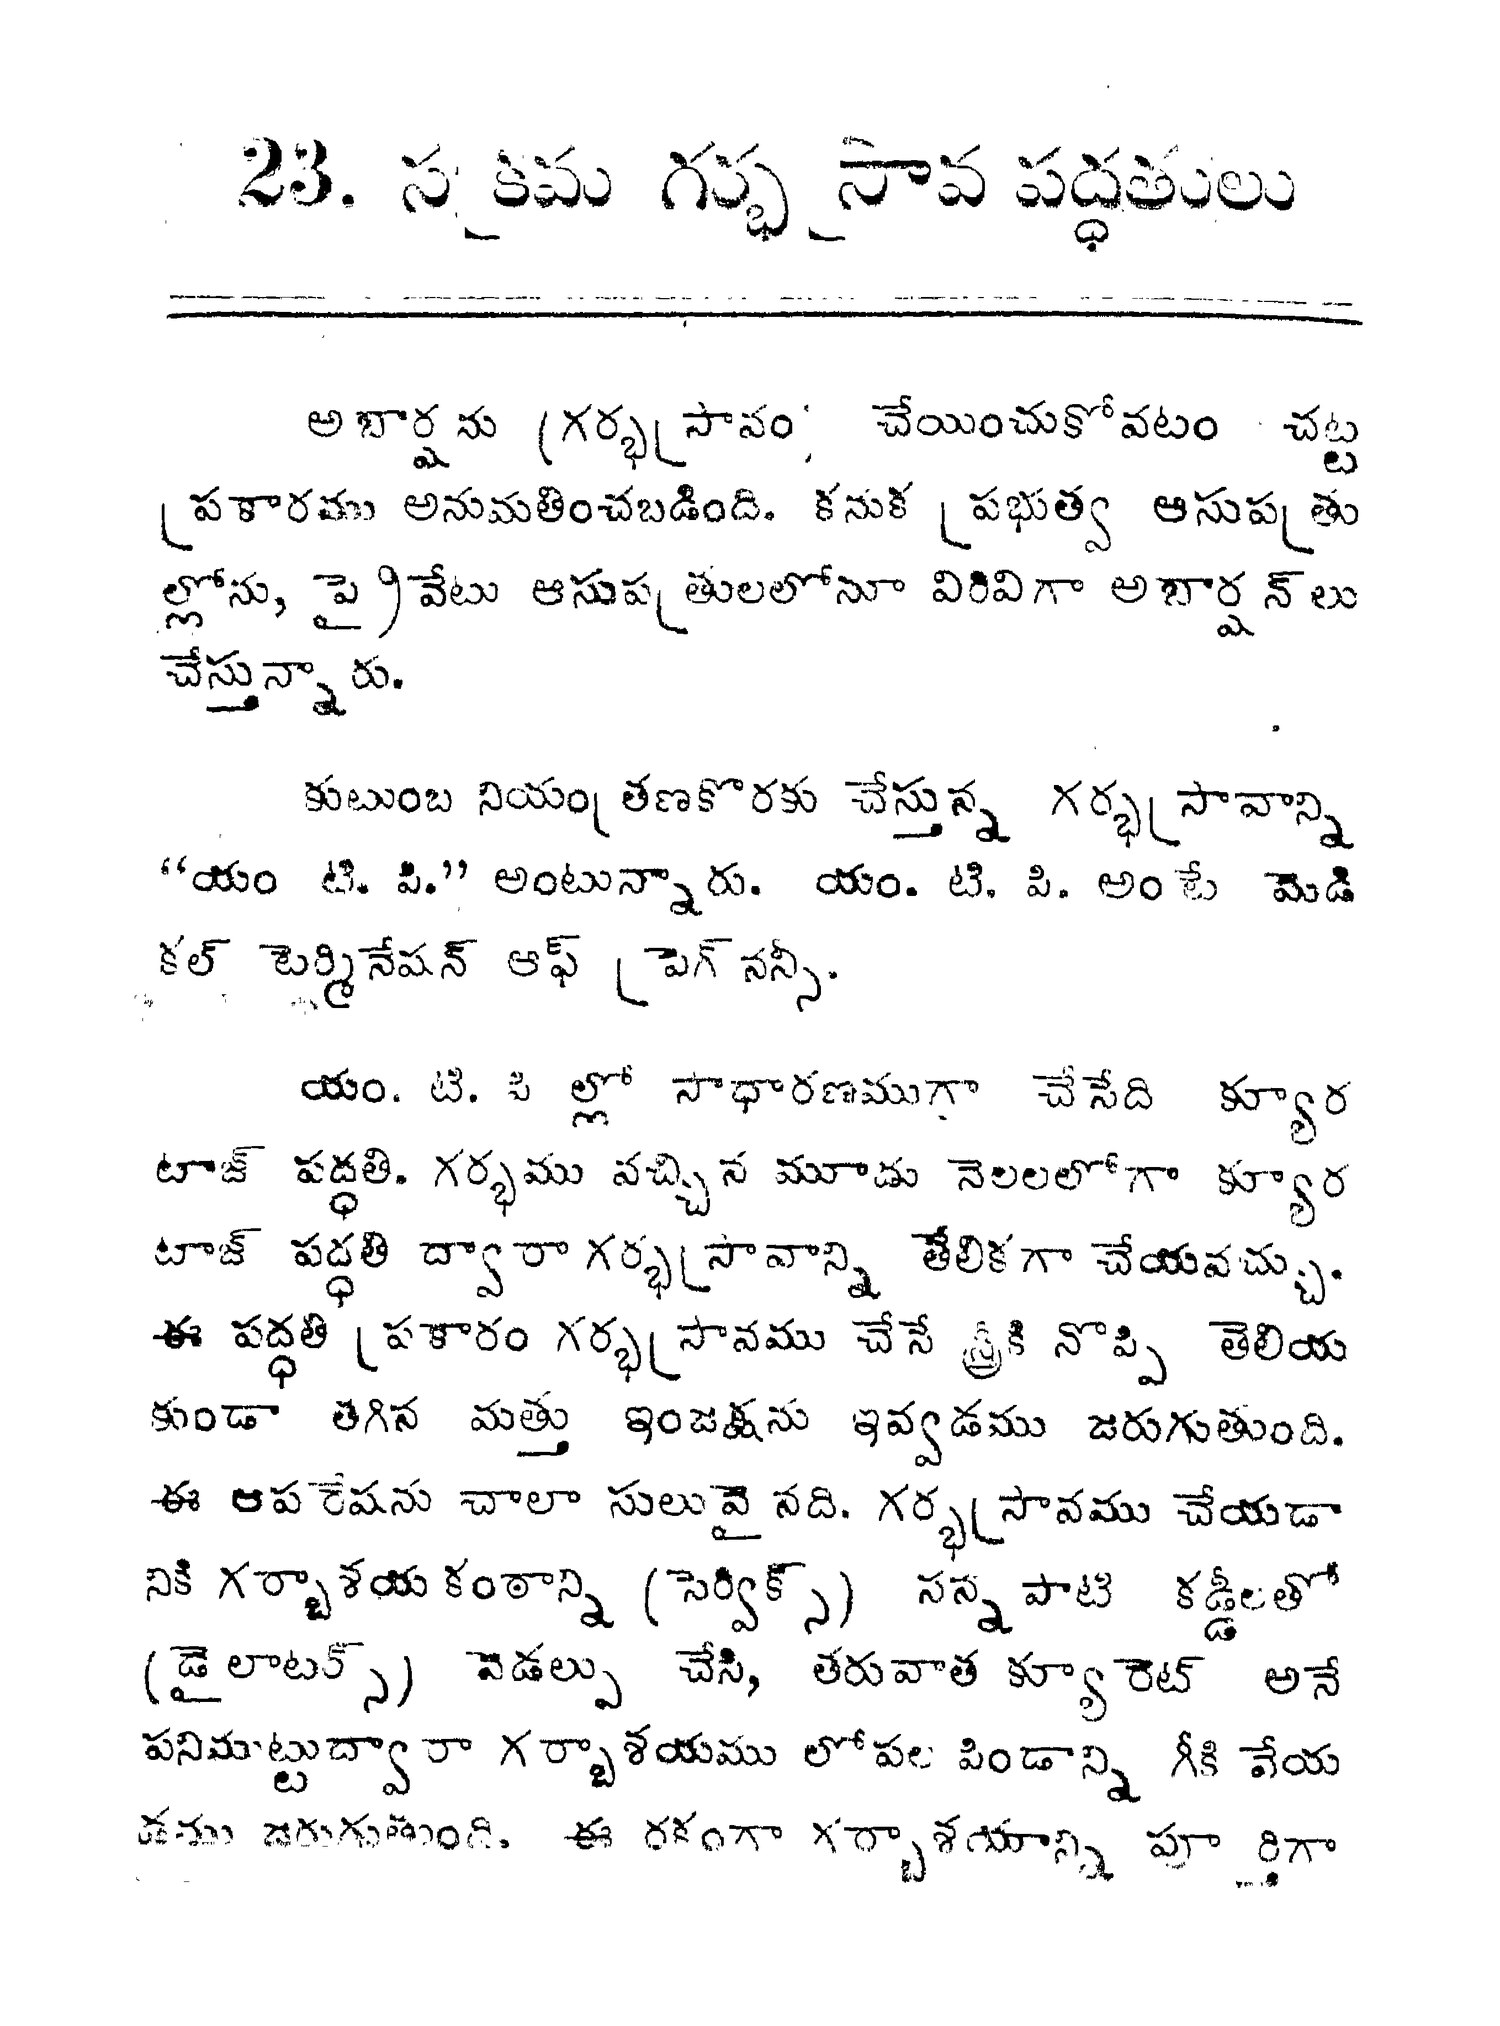అబార్షను గ్రర్భస్రావం చేయించుకోవటం చట్ట ప్రకారము అనుమతించబడింది. కనుక ప్రభుత్వ ఆసుపత్రిల్లోను, ప్రైవేటు ఆసుపత్రులలోనూ విరివిగా అబర్షన్లు చేస్తున్నారు.

కుటుంబ నియంత్రణకొరకు చేస్తున్న గర్భస్రావాన్ని "యం.టి.పి." అంటున్నారు. యం.టి.పి. అంటే మెడికల్ టెర్మినేషన్ ఆఫ్ ప్రగ్‌నన్సీ.

యం.టి.పి. ల్లో సాధారణముగా చేసేది క్యూరటాజ్ పద్ధతి. గర్భము వచ్చిన మూడు నెలలలోగా క్యూరటాజ్ పద్ధతి ద్వారా గర్భస్రావాన్ని తేలికగా చేయవచ్చు. ఈ పద్దతి ప్రకారం గర్భస్రావము చేసే స్త్రీకి నొప్పి తెలియకుండా తగిన మత్తు ఇంజక్షను ఇవ్వడము జరుగుతుంది. ఈ ఆపరేషను చాలా సులువైనది. గర్భస్రావము చేయడానికి గర్భాశయ కంఠాన్ని (సెర్విక్స్) సన్నపాటి కడ్డీలతో (డైలాటర్స్) వెడల్పు చేసి, తరువాత క్యూరెట్ అనే పనిముట్టుద్వారా గర్భాశయము లోపల పిండాన్ని గీకి వేయడము జరుగుతుంది. ఈ రకంగా గర్భాశయాన్ని పూర్తిగా